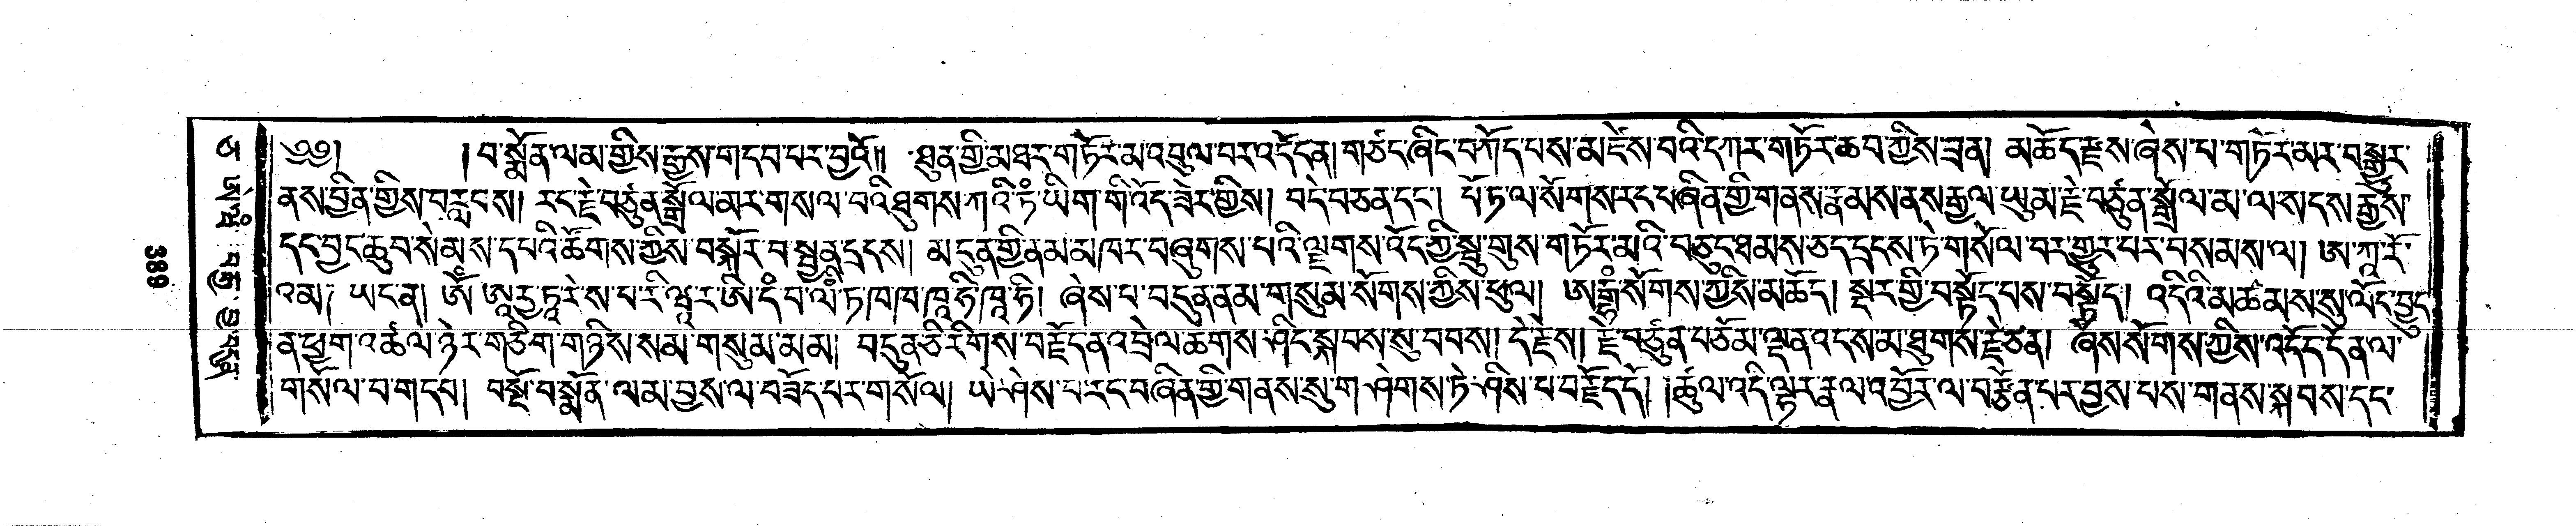༄༅། །བ་སྨོན་ལམ་གྱིས་རྒྱས་གདབ་པར་བྱའོ། །ཐུན་གྱི་མཐར་གཏོར་མ་འབུལ་བར་འདོད་ན། གཙང་ཞིང་བཀོད་པས་མཛེས་པའི་དཀར་གཏོར་ཆབ་ཀྱིས་བྲན། མཆོད་རྫས་ཞེས་པ་གཏོར་མར་བསྒྱུར་
ནས་བྱིན་གྱིས་བརླབས། རང་རྗེ་བཙུན་སྒྲོལ་མར་གསལ་བའི་ཐུགས་ཀའི་ཏཾ་ཡིག་གི་འོད་ཟེར་གྱིས། བདེ་བ་ཅན་དང་། པོ་ཏ་ལ་སོགས་རང་བཞིན་གྱི་གནས་རྣམས་ནས་རྒྱལ་ཡུམ་རྗེ་བཙུན་སྒྲོལ་མ་ལ་སངས་རྒྱས་
དང་བྱང་ཆུབ་སེམས་དཔའི་ཚོགས་ཀྱིས་བསྐོར་བ་སྤྱན་དྲངས། མདུན་གྱི་ནམ་མཁར་བཞུགས་པའི་ལྗགས་འོད་ཀྱི་སྦུ་གུས་གཏོར་མའི་བཅུད་ཐམས་ཅད་དྲངས་ཏེ་གསོལ་བར་གྱུར་པར་བསམས་ལ། ཨ་ཀཱ་རོ་
འམ། ཡང་ན། ཨོཾ་ཨཱརྱ་ཏཱ་རེ་ས་པ་རི་ཝཱ་ར་ཨི་དཾ་པ་ལིཾ་ཏ་ཁ་ཁ་ཁཱ་ཧི་ཁཱ་ཧི། ཞེས་པ་བདུན་ནམ་གསུམ་སོགས་ཀྱིས་ཕུལ། ཨརྒྷཾ་སོགས་ཀྱིས་མཆོད། སྔར་གྱི་བསྟོད་པས་བསྟོད། འདིའི་མཚམས་སུ་ལོང་བྱུང་
ན་ཕྱག་འཚལ་ཉེར་གཅིག་གཉིས་སམ་གསུམ་མམ། བདུན་ཅི་རིགས་བརྗོད་ན་འབྲེལ་ཆགས་ཤིང་སྐབས་སུ་བབས། དེ་རྗེས། རྗེ་བཙུན་བཅོམ་ལྡན་འདས་མ་ཐུགས་རྗེ་ཅན། ཞེས་སོགས་ཀྱིས་འདོད་དོན་ལ་
གསོལ་བ་གདབ། བསྔོ་བ་སྨོན་ལམ་བྱས་ལ་བཟོད་པར་གསོལ། ཡེ་ཤེས་པ་རང་བཞིན་གྱི་གནས་སུ་གཤེགས་ཏེ་ཤིས་པ་བརྗོད་དོ། །ཚུལ་འདི་ལྟར་རྣལ་འབྱོར་ལ་བརྩོན་པར་བྱས་པས་གནས་སྐབས་དང་